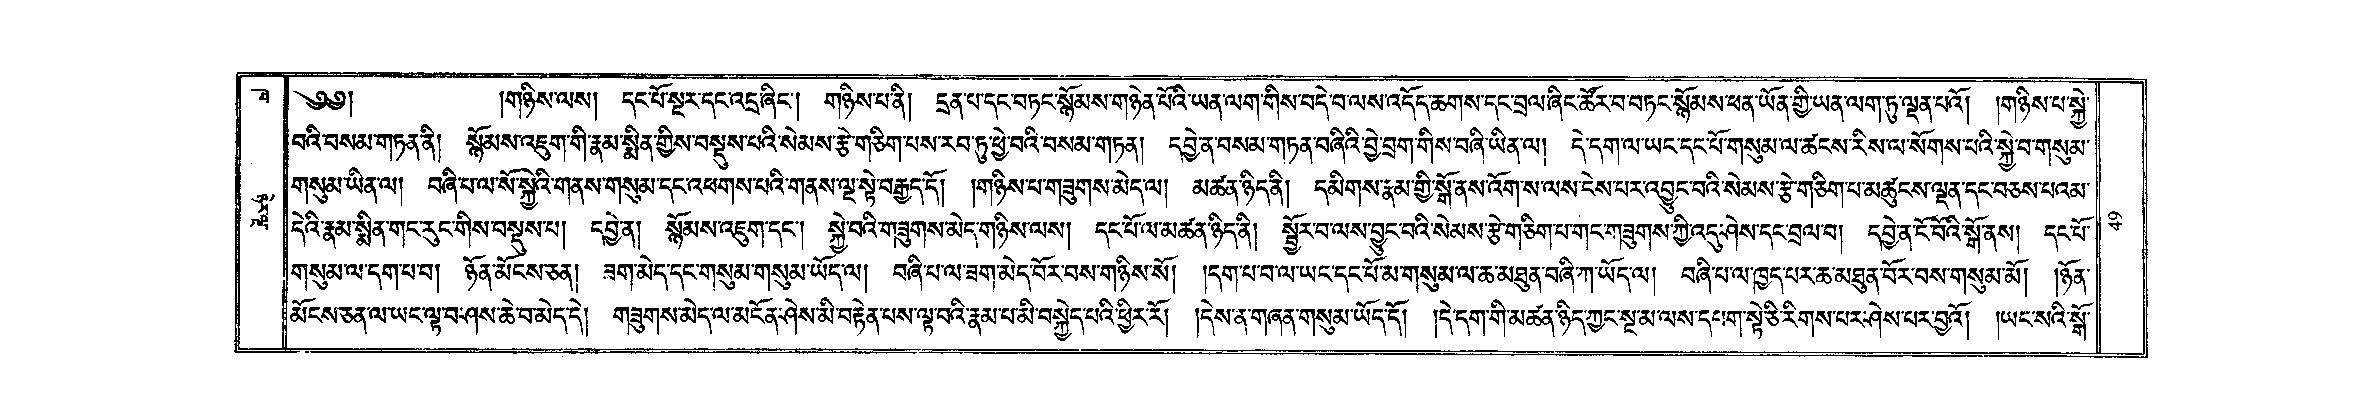༄༅། །གཉིས་ལས། དང་པོ་སྔར་དང་འདྲ་ཞིང་། གཉིས་པ་ནི། དྲན་པ་དང་བཏང་སྙོམས་གཉེན་པོའི་ཡན་ལག་གིས་བདེ་བ་ལས་འདོད་ཆགས་དང་བྲལ་ཞིང་ཚོར་བ་བཏང་སྙོམས་ཕན་ཡོན་གྱི་ཡན་ལག་ཏུ་ལྡན་པའོ། །གཉིས་པ་སྐྱེ་
བའི་བསམ་གཏན་ནི། སྙོམས་འཇུག་གི་རྣམ་སྨིན་གྱིས་བསྡུས་པའི་སེམས་རྩེ་གཅིག་པས་རབ་ཏུ་ཕྱེ་བའི་བསམ་གཏན། དབྱེ་ན་བསམ་གཏན་བཞིའི་བྱེ་བྲག་གིས་བཞི་ཡིན་ལ། དེ་དག་ལ་ཡང་དང་པོ་གསུམ་ལ་ཚངས་རིས་ལ་སོགས་པའི་སྐྱེ་བ་གསུམ་
གསུམ་ཡིན་ལ། བཞི་པ་ལ་སོ་སྐྱེའི་གནས་གསུམ་དང་འཕགས་པའི་གནས་ལྔ་སྟེ་བརྒྱད་དོ། །གཉིས་པ་གཟུགས་མེད་ལ། མཚན་ཉིད་ནི། དམིགས་རྣམ་སྨིན་གྱི་སྒོ་ནས་འོག་ས་ལ་ངེས་པར་འབྱུང་བའི་སེམས་རྩེ་གཅིག་པ་མཚུངས་ལྡན་དང་བཅས་པའམ་
དེའི་རྣམ་སྨིན་གང་རུང་གིས་བསྡུས་པ། དབྱེ་ན། སྙོམས་འཇུག་དང་། སྐྱེ་བའི་གཟུགས་མེད་གཉིས་ལས། དང་པོ་ལ་མཚན་ཉིད་ནི། སྦྱོར་བ་ལས་བྱུང་བའི་སེམས་རྩེ་གཅིག་པ་གང་གཟུགས་ཀྱི་འདུ་ཤེས་དང་བྲལ་བ། དབྱེ་ན་ངོ་བོའི་སྒོ་ནས། དང་པོ་
གསུམ་ལ་དག་པ་བ། ཉོན་མོངས་ཅན། ཟག་མེད་དང་གསུམ་གསུམ་ཡོད་ལ། བཞི་པ་ལ་ཟག་མེད་པོར་བས་གཉིས་སོ། །དག་པ་བ་ལ་ཡང་དང་པོ་མ་གསུམ་ལ་ཆ་མཐུན་བཞི་ཀ་ཡོད་ལ། བཞི་པ་ལ་ཁྱད་པར་ཆ་མཐུན་པོར་བས་གསུམ་མོ། །ཉོན་
མོངས་ཅན་ལ་ཡང་ལྟ་བ་ཤས་ཆེ་བ་མེད་དེ། གཟུགས་མེད་ལ་མངོན་ཤེས་མི་བརྟེན་པས་ལྟ་བའི་རྣམ་པ་མི་བསྐྱེད་པའི་ཕྱིར་རོ། །དེས་ན་གཞན་གསུམ་ཡོད་དོ། །དེ་དག་གི་མཚན་ཉིད་ཀྱང་སྔ་མ་ལས་དཔག་སྟེ་ཅི་རིགས་པར་ཤེས་པར་བྱའོ། །ཡང་སའི་སྒོ་